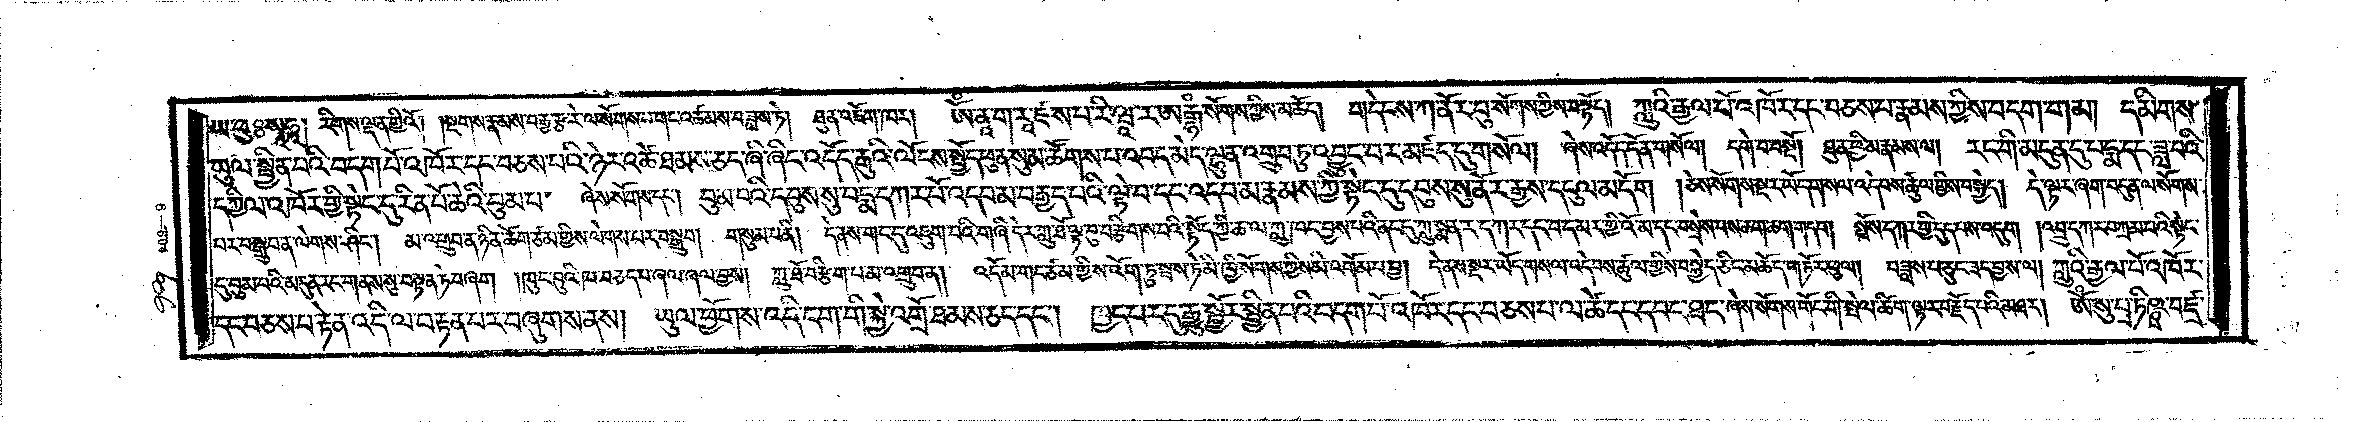ཡ་ཕུཿསྭཱཧཱ། རིགས་ལྡན་གྱིའོ། །སྔགས་རྣམས་བརྒྱ་རྩ་རེ་ལ་སོགས་པ་གང་འཚམས་བཟླས་ཏེ། ཐུན་འཇོག་ཁར།  ཨོཾ་ནཱ་ག་རཱ་ཛ་ས་པ་རི་ཝཱ་ར་ཨརྒྷཾ་སོགས་ཀྱིས་མཆོད།  གདེངས་ཀ་ནོར་བུ་སོགས་ཀྱིས་བསྟོད།  ཀླུའི་རྒྱལ་པོ་འཁོར་དང་བཅས་པ་རྣམས་ཀྱིས་བདག་གམ། དམིགས་
ཕ༹ྱུལ་སྦྱིན་བའི་བདག་པོ་འཁོར་དང་བཅས་པའི་ཉེར་འཚེ་ཐམས་ཅད་ཞི་ཞིང་འདོད་རྒུའི་ལོངས་སྤྱོད་ཕུན་སུམ་ཚོགས་པ་འབད་མེད་ལྷུན་འགྲུབ་ཏུ་འབྱུང་བར་མཛད་དུ་གསོལ། ཞེས་འདོད་དོན་གསོལ། དགེ་བ་བསྔོ། ཐུན་ཕྱི་མ་རྣམས་ལ།  རང་གི་མདུན་དུ་པདམ་དང་ཟླ་བའི་
དཀྱིལ་འཁོར་གྱི་སྟེང་དུ་རིན་པོ་ཆེའི་བུམ་པ་ཞེས་སོགས་དང་།  བུམ་པའི་དབུས་སུ་པདམ་དཀར་པོ་འདབ་མ་བརྒྱད་པའི་ལྟེ་བ་དང་འདབ་མ་རྣམས་ཀྱི་སྟེང་དུ་དབུས་སུ་ནོར་རྒྱས་དངུལ་མདོག །ཅེས་སོགས་སྔར་ཡོད་གསལ་འདེབས་ཚུལ་གྱིས་བསྐྱེད། དེ་ལྟར་ཞག་བདུན་ལ་སོགས་
བར་བསྒྲུབ་ན་ལེགས་ཤིང་། མ་འགྲུབ་ན་ཉིན་ཆོག་ཙམ་གྱིས་ལེགས་པར་བསྒྲུབ། གསུམ་པ་ནི། དེ་ནས་གང་དུ་འཇུག་པའི་གཞི་དེར་ཀླུ་ཐོ་ལྟ་བུ་བརྩིགས་པའི་སྟོད་ཀྱི་ཆ་ལ་ཀླུ་ཁང་བྱས་པའི་ནང་དུ་ཀླུ་སྨན་ར་དཀར་དང་བ་དམར་གྱི་འོ་མ་དང་བསྲེས་པས་ཆག་ཆག་གདབ། སྤོས་དཀར་གྱི་དུད་པས་འདུག །འབྲུ་དཀར་བཀྲམ་པའི་སྟེང་
ཕ༹ཕ༹དུ་བུམ་བའི་མདུན་རང་གནས་སུ་བསྟན་ཏེ་བཞག །ཁུང་བུའི་ཁ་བཅད་པ་ཞལ་ཞལ་བྱས། ཀླུ་ཐོ་བརྩིག་པ་མ་འགྲུབ་ན། འདོམ་གང་ཙམ་གྱིས་འོག་ཏུ་སྦས་ཏེ་མི་ཁྱི་སོགས་ཀྱིས་མི་འགོམ་པ་བྱ། དེ་ནས་སྔར་ཡོད་གསལ་འདེབས་ཚུལ་གྱིས་བསྐྱེད་ཅིང་མཆོད་གཏོར་ཕུལ། བཟླས་པ་ཅུང་ཟད་བྱས་ལ། ཀླུའི་རྒྱལ་པོ་འཁོར་
དང་བཅས་པ་རྟེན་འདི་ལ་བརྟན་པར་བཞུགས་ནས། ཡུལ་ཕྱོགས་འདི་དག་གི་སྐྱེ་འགྲོ་ཐམས་ཅད་དང་། ཁྱད་པར་དུ་རྒྱུ་སྦྱོར་སྦྱིན་པའི་བདག་པོ་འཁོར་དང་བཅས་པ་ལ་ཚེ་དང་དབང་ཐང་ཞེས་སོགས་གོང་གི་སྤེལ་ཚིག་ལྟར་བརྗོད་པའི་མཐར།  ཨོཾ་སུ་པྲ་ཏིཥཊཿཨ་བཛྲ་
ཕ༹་